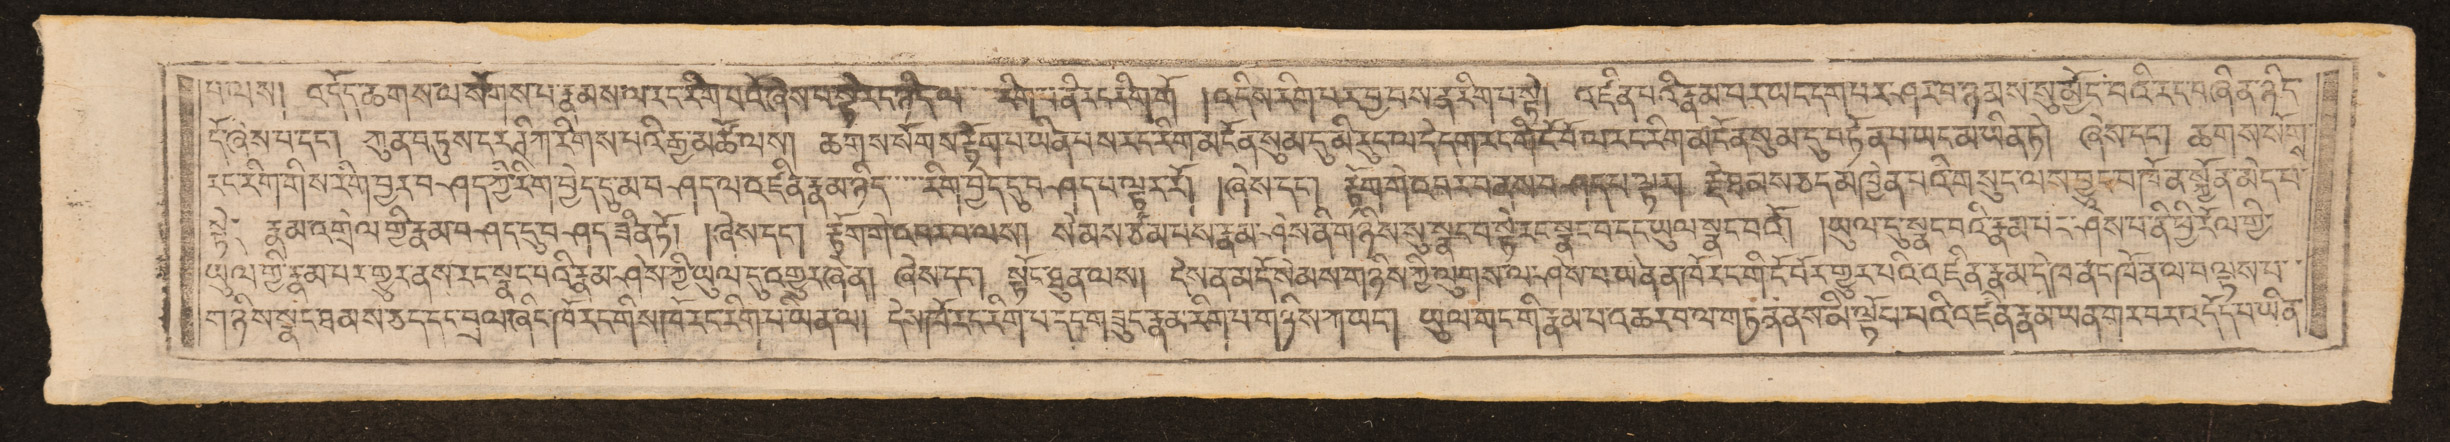པ་ལས། འདོད་ཆགས་ལ་སོགས་པ་རྣམས་ལ་རང་རིག་པའོ་ཞེས་པ་སྟེ་རང་ཉིད་ལ་རིག་པ་ནི་རང་རིག་གོ །འདིས་རིག་པར་བྱ་བས་ན་རིག་པ་སྟེ། འཛིན་པའི་རྣམ་པར་ཡང་དག་པར་ཤར་བ་ཉམས་སུ་མྱོང་བའི་རང་བཞིན་ཉིད་
དོ་ཞེས་པ་དང་། ཀུན་བཏུས་དར་ཊིཀ་རིགས་པའི་རྒྱ་མཚོ་ལས། ཆགས་སོགས་རྟོག་པ་ཡིན་པས་རང་རིག་མངོན་སུམ་དུ་མི་རུང་ལ་དེ་དག་རང་གི་ངོ་བོ་ལ་རང་རིག་མངོན་སུམ་དུ་བཏོན་པ་ཡང་མ་ཡིན་ཏེ། ཞེས་དང་། ཆགས་སོགས་
རང་རིག་གིས་རིག་བྱར་བཤད་ཀྱི་རིག་བྱེད་དུ་མ་བཤད་ལ་འཛིན་རྣམ་ཉིད་རིག་བྱེད་དུ་བཤད་པ་ལྟར་རོ། །ཞེས་དང་། རྟོག་གེ་འབར་བ་ནས་བཤད་པ་ལྟར། རྗེ་ཐམས་ཅད་མཁྱེན་པའི་གསུང་ལས་བྱུང་བ་ཁོ་ན་སྐྱོན་མེད་པ་
སྟེ༑ རྣམ་འགྲེལ་གྱི་རྣམ་བཤད་དུ་བཤད་ཟིན་ཏོ། །ཞེས་དང་། རྟོག་གེ་འབར་བ་ལས། སེམས་ཙམ་པས་རྣམ་ཤེས་ནི་གཉིས་སུ་སྣང་བ་སྟེ་རང་སྣང་བ་དང་ཡུལ་སྣང་བའོ། །ཡུལ་དུ་སྣང་བའི་རྣམ་པར་ཤེས་པ་ནི་ཕྱི་རོལ་གྱི་
ཡུལ་གི་རྣམ་པར་གྱུར་ནས་རང་སྣང་བའི་རྣམ་ཤེས་ཀྱི་ཡུལ་དུ་འགྱུར་ཞེ་ན། ཞེས་དང་། སྟོང་ཐུན་ལས། དེས་ན་མདོ་སེམས་གཉིས་ཀྱི་ལུགས་ལ་ཤེས་པ་ཡིན་ན་ཁོ་རང་གི་ངོ་བོར་གྱུར་པའི་འཛིན་རྣམ་དེ་ཁ་ནང་ཁོ་ན་ལ་བལྟས་པ་
གཉིས་སྣང་ཐམས་ཅད་དང་བྲལ་ཞིང་ཁོ་རང་གིས་ཁོ་རང་རིག་པ་ཡིན་ལ། དེས་ཁོ་རང་རིག་པ་དང་གཟུང་རྣམ་རིག་པ་གཉིས་ཀ་ཡང་། ཡུལ་གང་གི་རྣམ་པར་འཆར་བ་ལ་གཏན་ནས་མི་ལྟོས་པའི་འཛིན་རྣམ་ཡན་གར་བར་འདོད་པ་ཡིན་